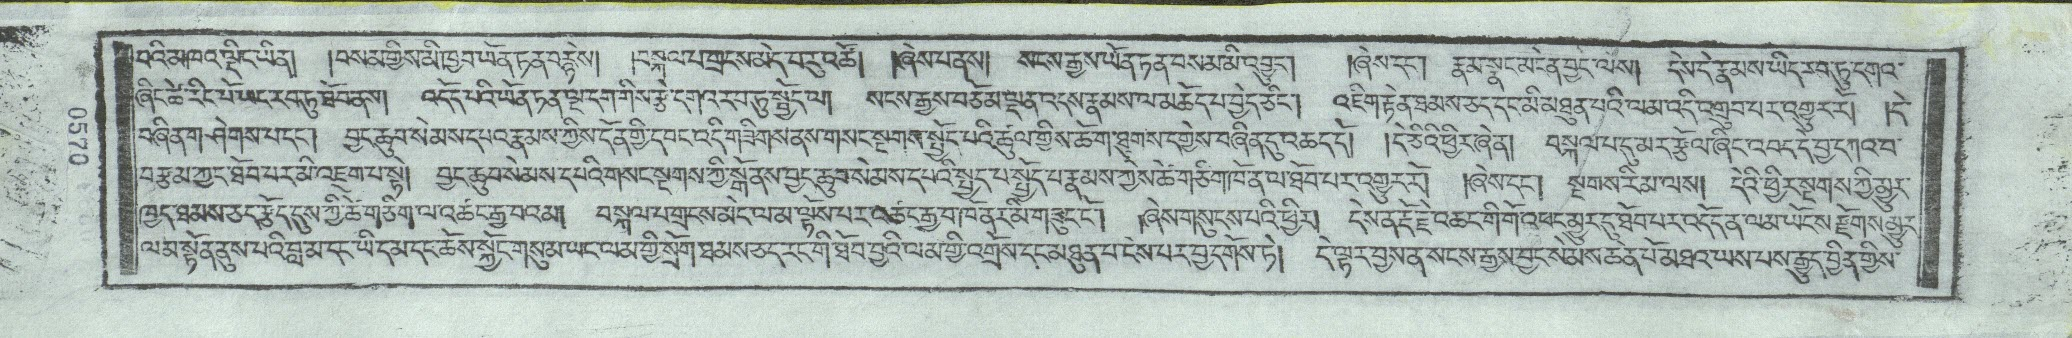བའི་མཁའ་ལྡིང་ཡིན། །བསམ་གྱིས་མི་ཁྱབ་ཡོན་ཏན་བརྟེས། །བསྐལ་པ་གྲངས་མེད་པ་རུ་འཚོ། །ཞེས་པ་ནས། སངས་རྒྱས་ཡོན་ཏན་བསམ་མི་འབྱུང་། །ཞེས་དང་། རྣམ་སྣང་མངོན་བྱང་ལས། དེས་དེ་རྣམས་ཡིད་རབ་ཏུ་དགའ་
ཞིང་ཚེ་རིང་པོ་ཡང་རབ་ཏུ་ཐོབ་ནས། འདོད་པའི་ཡོན་ཏན་ལྔ་དག་གིས་རྩེ་དགའ་རབ་ཏུ་སྤྱོད་ལ། སངས་རྒྱས་བཅོམ་ལྡན་འདས་རྣམས་ལ་མཆོད་པ་བྱེད་ཅིང་། འཇིག་རྟེན་ཐམས་ཅད་དང་མི་མཐུན་པའི་ལམ་འདི་འགྲུབ་པར་འགྱུར་རོ། །དེ་
བཞིན་གཤེགས་པ་དང་། བྱང་ཆུབ་སེམས་དཔའ་རྣམས་ཀྱིས་དོན་གྱི་དབང་འདི་གཟིགས་ནས་གསང་སྔགས་སྤྱོད་པའི་ཚུལ་གྱིས་ཆོ་ག་ཐུགས་དགྱེས་བཞིན་དུ་འཆད་དོ། །དེ་ཅིའི་ཕྱིར་ཞེ་ན། བསྐལ་པ་དུ་མར་རྩོལ་ཞིང་འབད་དེ་བྱ་དཀའ་བ་
བརྩམ་ཀྱང་ཐོབ་པར་མི་འཇུག་པ་སྟེ། བྱང་ཆུབ་སེམས་དཔའི་གསངས་སྔགས་ཀྱི་སྒོ་ནས་བྱང་ཆུབ་སེམས་དཔའི་སྤྱད་པ་སྤྱོད་པ་རྣམས་ཀྱིས་ཚེ་གཅིག་ཁོ་ན་ལ་ཐོབ་པར་འགྱུར་རོ། །ཞེས་དང་། སྔགས་རིམ་ལས། དེའི་ཕྱིར་སྔགས་ཀྱི་མྱུར་
ཁྱད་ཐམས་ཅད་རྩོད་དུས་ཀྱི་ཚེ་གཅིག་ལ་འཚང་རྒྱ་བའམ། བསྐལ་བ་གྲངས་མེད་ལམ་ལྟོས་པར་འཚང་རྒྱ་བ་ཁོ་ནར་མ་གཟུང་ངོ། །ཞེས་གསུངས་པའི་ཕྱིར། དེས་ན་རྡོ་རྗེ་འཆང་གི་གོ་འཕང་མྱུར་དུ་ཐོབ་པར་འདོད་ན་ལམ་ཡོངས་རྫོགས་མྱུར་
ལར་སྟོན་ནུས་པའི་བླ་མ་དང་ཡི་དམ་དང་ཆོས་སྐྱོང་གསུམ་ཡང་ལམ་གྱི་སྲོག་ཐམས་ཅད་རང་གི་ཐོབ་བྱའི་ལམ་གྱི་འགྲོས་དང་མཐུན་པ་ངེས་པར་བྱ་དགོས་ཏེ། དེ་ལྟར་བྱས་ན་སངས་རྒྱས་བྱང་སེམས་ཆེན་པོ་མཐའ་ཡས་པས་རྒྱུད་བྱིན་གྱིས་